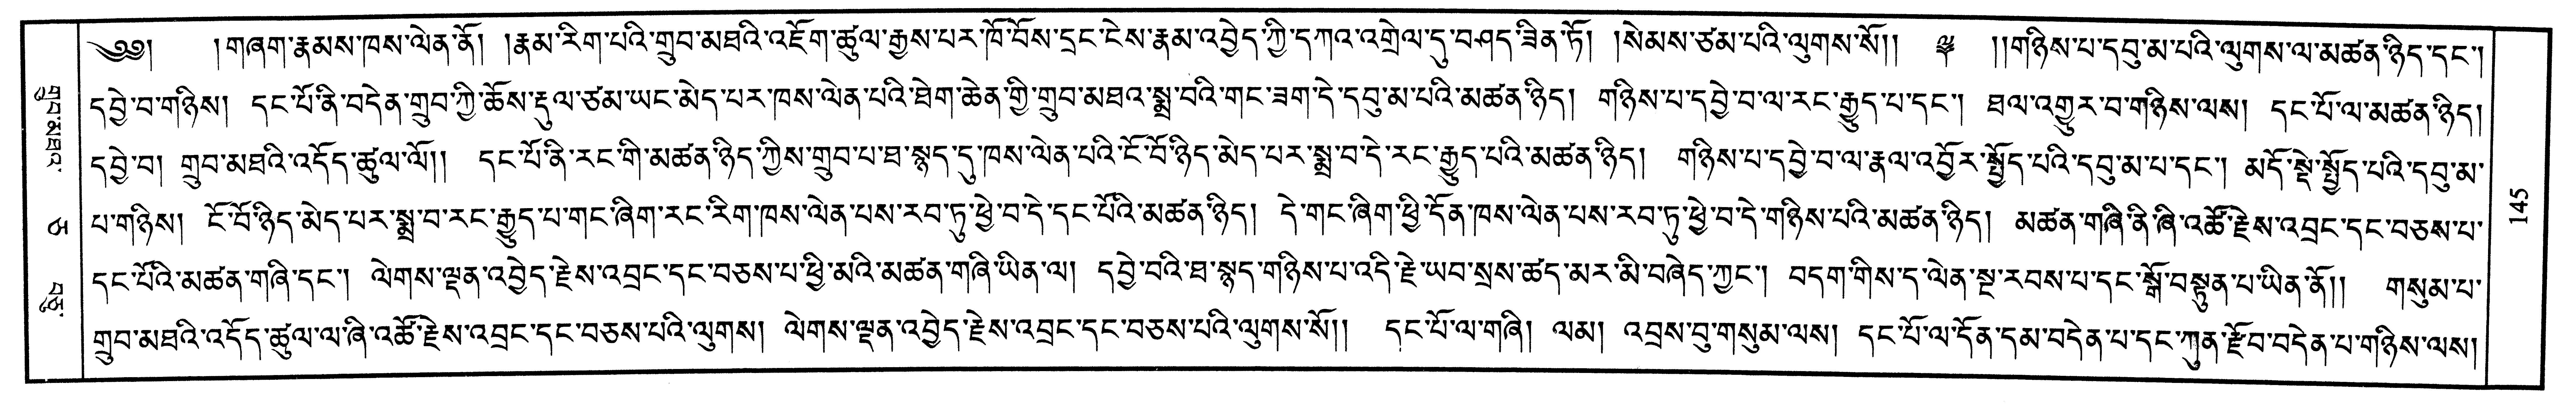༄༅། །གཞག་རྣམས་ཁས་ལེན་ནོ། །རྣམ་རིག་པའི་གྲུབ་མཐའི་འཇོག་ཚུལ་རྒྱས་པར་ཁོ་བོས་དྲང་ངེས་རྣམ་འབྱེད་ཀྱི་དཀའ་འགྲེལ་དུ་བཤད་ཟིན་ཏོ། །སེམས་ཙམ་པའི་ལུགས་སོ།། ༈ །།གཉིས་པ་དབུ་མ་པའི་ལུགས་ལ་མཚན་ཉིད་དང་།
དབྱེ་བ་གཉིས། དང་པོ་ནི་བདེན་གྲུབ་ཀྱི་ཆོས་རྡུལ་ཙམ་ཡང་མེད་པར་ཁས་ལེན་པའི་ཐེག་ཆེན་གྱི་གྲུབ་མཐའ་སྨྲ་བའི་གང་ཟག་དེ་དབུ་མ་པའི་མཚན་ཉིད། གཉིས་པ་དབྱེ་བ་ལ་རང་རྒྱུད་པ་དང་། ཐལ་འགྱུར་བ་གཉིས་ལས། དང་པོ་ལ་མཚན་ཉིད།
དབྱེ་བ། གྲུབ་མཐའི་འདོད་ཚུལ་ལོ།། དང་པོ་ནི་རང་གི་མཚན་ཉིད་ཀྱིས་གྲུབ་པ་ཐ་སྙད་དུ་ཁས་ལེན་པའི་ངོ་བོ་ཉིད་མེད་པར་སྨྲ་བ་དེ་རང་རྒྱུད་པའི་མཚན་ཉིད། གཉིས་པ་དབྱེ་བ་ལ་རྣལ་འབྱོར་སྤྱོད་པའི་དབུ་མ་པ་དང་། མདོ་སྡེ་སྤྱོད་པའི་དབུ་མ་
པ་གཉིས། ངོ་བོ་ཉིད་མེད་པར་སྨྲ་བ་རང་རྒྱུད་པ་གང་ཞིག་རང་རིག་ཁས་ལེན་པས་རབ་ཏུ་ཕྱེ་བ་དེ་དང་པོའི་མཚན་ཉིད། དེ་གང་ཞིག་ཕྱི་དོན་ཁས་ལེན་པས་རབ་ཏུ་ཕྱེ་བ་དེ་གཉིས་པའི་མཚན་ཉིད། མཚན་གཞི་ནི་ཞི་འཚོ་རྗེས་འབྲང་དང་བཅས་པ་
དང་པོའི་མཚན་གཞི་དང་། ལེགས་ལྡན་འབྱེད་རྗེས་འབྲང་དང་བཅས་པ་ཕྱི་མའི་མཚན་གཞི་ཡིན་ལ། དབྱེ་བའི་ཐ་སྙད་གཉིས་པ་འདི་རྗེ་ཡབ་སྲས་ཚད་མར་མི་བཞེད་ཀྱང་། བདག་གིས་ད་ལེན་སྔ་རབས་པ་དང་སྒོ་བསྟུན་པ་ཡིན་ནོ།། གསུམ་པ་
གྲུབ་མཐའི་འདོད་ཚུལ་ལ་ཞི་འཚོ་རྗེས་འབྲང་དང་བཅས་པའི་ལུགས། ལེགས་ལྡན་འབྱེད་རྗེས་འབྲང་དང་བཅས་པའི་ལུགས་སོ།། དང་པོ་ལ་གཞི། ལམ། འབྲས་བུ་གསུམ་ལས། དང་པོ་ལ་དོན་དམ་བདེན་པ་དང་ཀུན་རྫོབ་བདེན་པ་གཉིས་ལས།